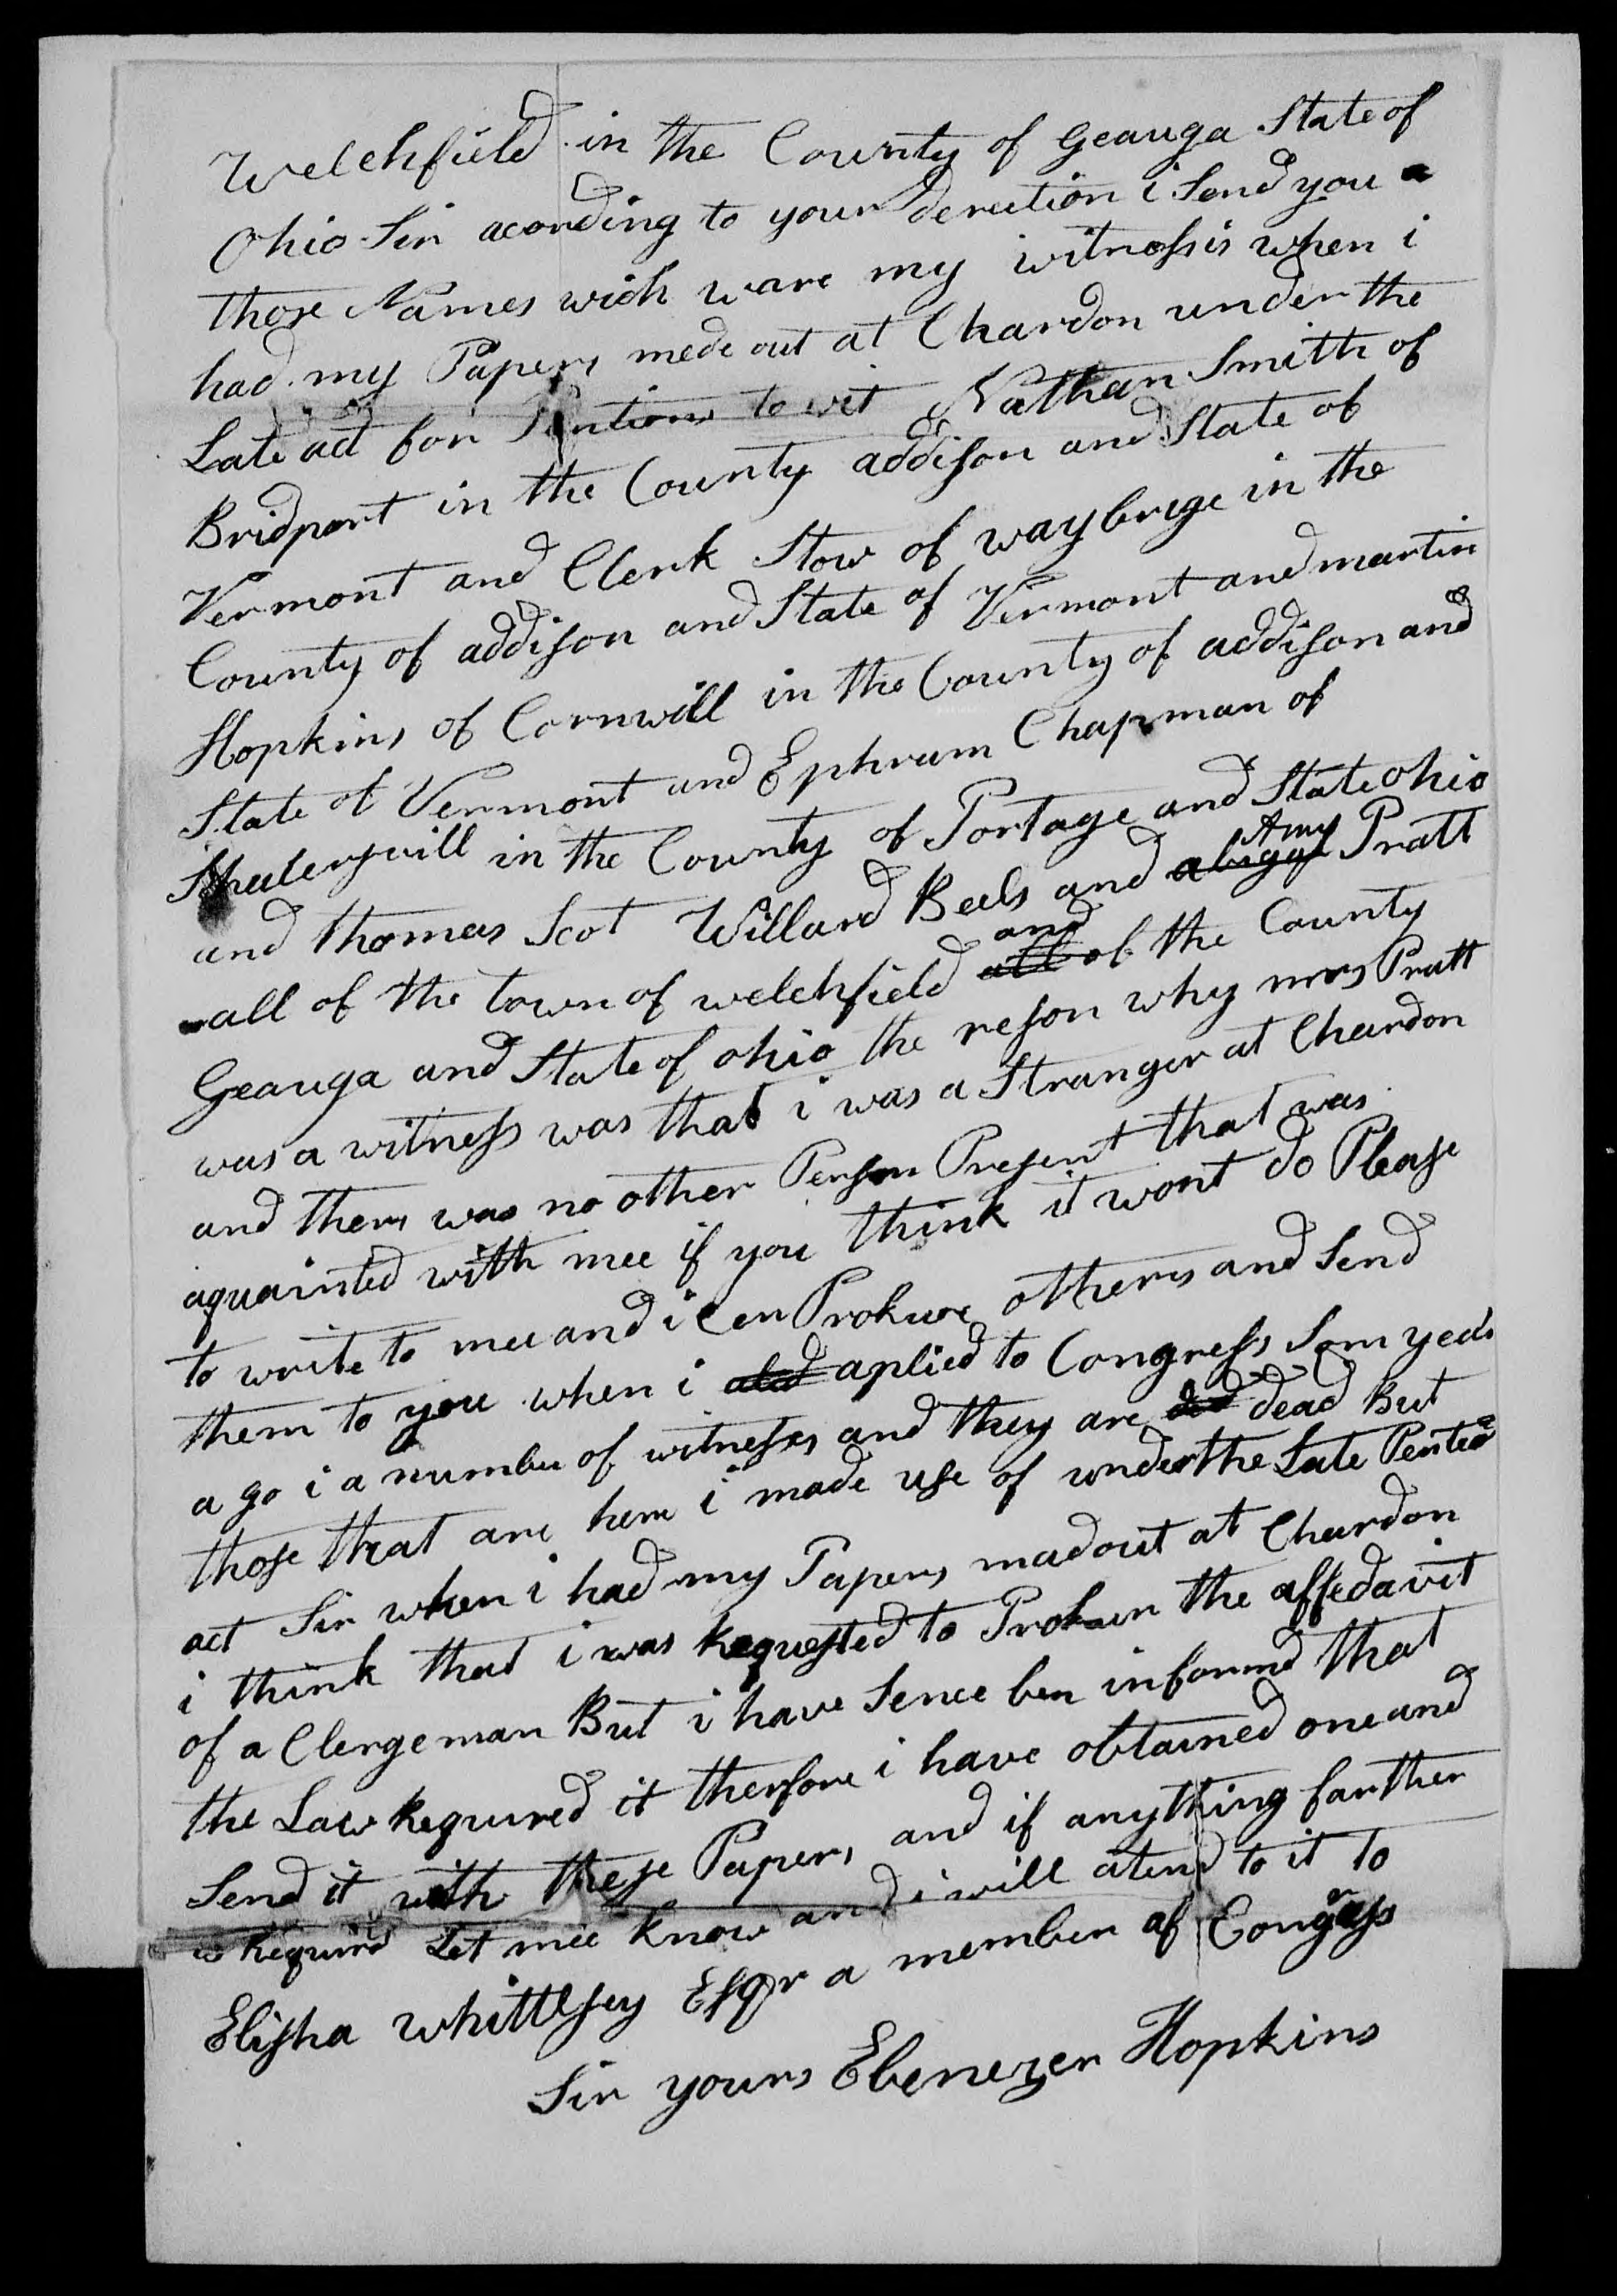Welchfield in the County of Geauga State of Ohio in according to your direction and i send you these Names wish ware my witnesses when i had my papers made out at Chardon under the Late act for pentions to wit Nathan Smith of Bridport in the County Addison and State of Vermont and Clark Stow of waybridge in the County of Addison and State of Vermont and Martin Hopkins of Cornwall in the County of Addison and State of Vermont and Ephram Chapman of Schulersvill in the county of Portage and State Ohio and Thomas Scott Willard Beels and Amy Pratt all of the town of welchfield and of the County Geauga and State of Ohio the reson why Amy Pratt was a witness was that I was a stranger at Chardon and there was no other persons present that was aquainted with me if you think it wont do please to write to me and i can prokure others and send them to you when i applied to Congress som years ago i a number of witnesses and they are dead but those that are here i made use of under the Sate Pention act Sir when I had my papers, madout at Chardon i think that I was requested to Prokure the affedavit of a Clergiman But I have since been informed that the Law Required it therefore i have obtained one and sent it with these papers, and if any thing further is required Let me know and I will atend to it to
Elisha Whittlesey Esqr a member of Congress
Sir yours Ebenezer Hopkins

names: Nathan Smith, Martin Hopkins, Thomas Scot, Willard Beels, Amy Pratt, Elisha Whittlsey, Ebenezer Hopkins, Ephram Chapman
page: 130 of 144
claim: rejected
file: R. 5208, Dennis Hopkins, N.C.